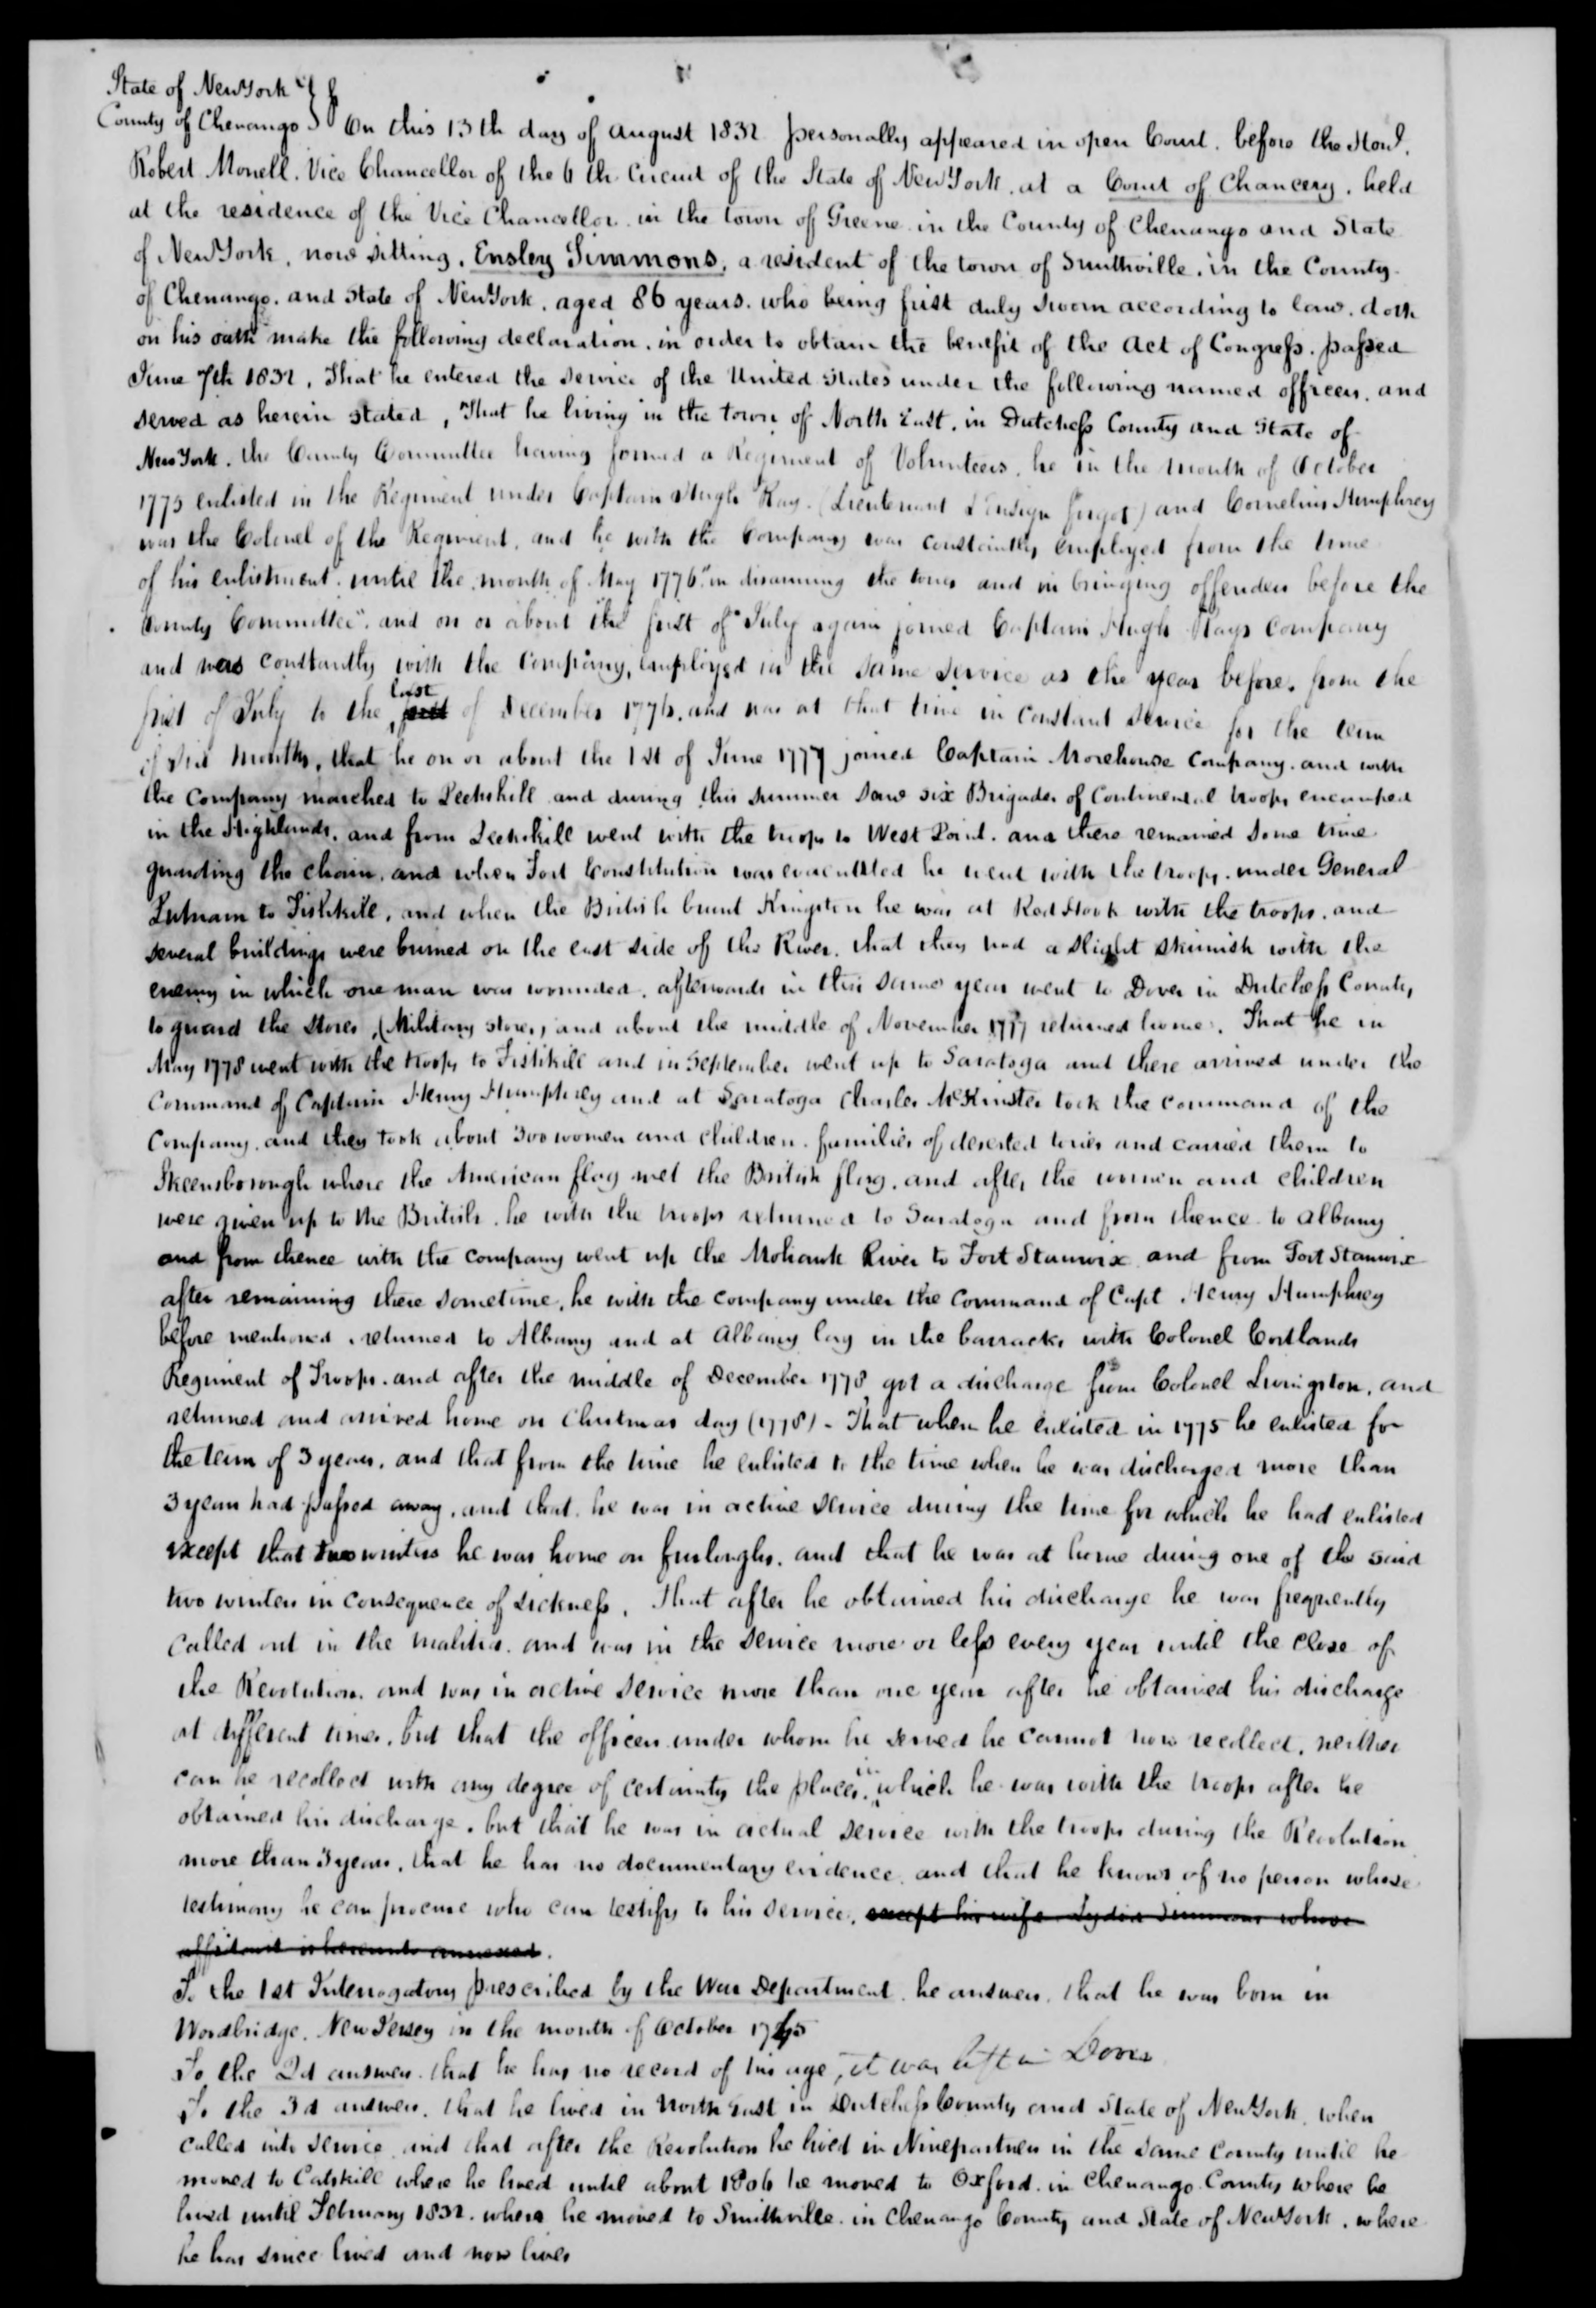State of New York
County of Chenango

 On this 13th day of August 1832 personally appeared in open Court, before the Hon.
Robert Morrell, Vice Chancellor of the 6th Circuit of the State of New York, at a Court of Chancery, held
at the residence of the Vice Chancellor in the town of Greene in the County of Chenango and State of New York, now sitting, Ensley Simmons, a resident of the town of Smithville, in the County of Chenango and State of New York, aged 86 years. who being first duly sworn according to law, doth on his oath make the following declaration, in order to obtain the benefit of the Act of Congress, passed
June 7th 1832. That he entered the service of the United States under the following named officers, and served as herein states. That he living in the town of North East in Dutchess County and State of New York, the County Committee having formed a Regiment of Volunteers, he in the month of October
1775 enlisted in the Regiment under Captain Hugh Hays, Lieutenent Ensign [illegible] and Cornelius Humphrey was the Colonel of the Regiment, and he with the Company was [illegible] employed from the time
of his enlistment until the month of May 1776 in disarming the Tories and in bringing offenders before the County Committee". and on or about the first of July again 
joined Captain Hugh Hays Company
and was constantly with the Company, employed in the same service as the year before from the
first of July to the last of December 1776, and was at that time in constant service for the term of six months, that he on or about the 1st of June 1777 Joined Captain Morehouse Company, and with the Company marches to Fishkill and during this summer saw six Brigade of Continental troops encamped
in the Highlands, and from Fishkill went with the troops to West Point, and there remained some time guarding the choir, and when Fort Constitution was evacuated he went with the troops under General Putnam to Fishkill, and when the British burnt Kingston he was at Red Hook with the troops and
several buildings were burned on the east side of the River, that they had a slight skirmish with the enemy in which one man was wounded, afterwards in this same year went to Dover in Dutchess County to guard the stores, {Military stores), and about the middle of November 1777 was returned home. That he in
May 1778 went with the troops to Fishkill 
 and in September went up to Saratoga and there arrived under the command of Captain Henry Humphrey and at Saratoga Charles McKinster took the command of the
Company, and they took about 300 women and children, families of deserted Tories and carried them to Skeensborough where the American flag met the British flag, and after the women and children
were given up to the British, he with the troops returned to Saratoga and from thence to Albany and from thence with the company went up the Mohawk River to Fort Stanwix and from Fort Stanwix
after remaining there sometime, he with the Company under the command of Capt Henry Humphrey, before mentioned. returned to Albany and at Albany lay in the barracks with Colonel Cortland Regiment of Troops, and after the middle of December 1778 got a discharge from Colonel Livingston, and
returned and arrived home on Christmas day (1778) That when he enlisted in 1775 he enlisted for the term of 3 years, and that from the time he enlisted to the time when he was discharged more than 3 years had passed away, and that he was in active service during the time for which he had enlisted
except that two winters he was home on furloughs, and that he was at home during one of the said two winter in consequence of sickness. That after he obtained his discharge he was frequently called out in the malitia, and was in the service more or less every year until the close of the Revolution and was in active service more than one year after he obtained his discharge at different times, but that the officers under whom he served he cannot now recollect, neither can he recollect with any degree of certainty the places in which he was with the troops after he
obtained his discharge, but that he was in actual service with the troops during the Revolution more than3 years, that he has no documentary evidence, and that he knows of no person whose testimony he can procure who can testify to his service,
[crossed out] except his wife LydiaSimmons whose affidavit is herewith contained.


1. the 1st Interrogatory prescribed by the War Department, he answers, that he was born in
Woodbridge, New Jersey in the month of October 1745.
To the 2d answers, that he has no record of his age, it was left a {illegible}
To the 3d answers, that he lived in North East in Dutchess County and State of New York when called into service and that after the Revolution he lived in Ninepartne in the same County until he
moved to Catskill where he lived until about 1806 he moved to Oxford in Chenango County where he lived until February 183,2 when he moved to Smithville in Chenango County and State of New York, where
he has since lived and now lives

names: Ensley Simmons; Henry Humphrey; [BLANK] Putnam; [BLANK] Livingston; Henry Humphrey; Robert Morrell; Cornelius Humphrey; Lydia Simmons; Charles Mc Kinster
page: 8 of 29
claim: widow's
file: W. 19,032, for Ensley Simmons, New York